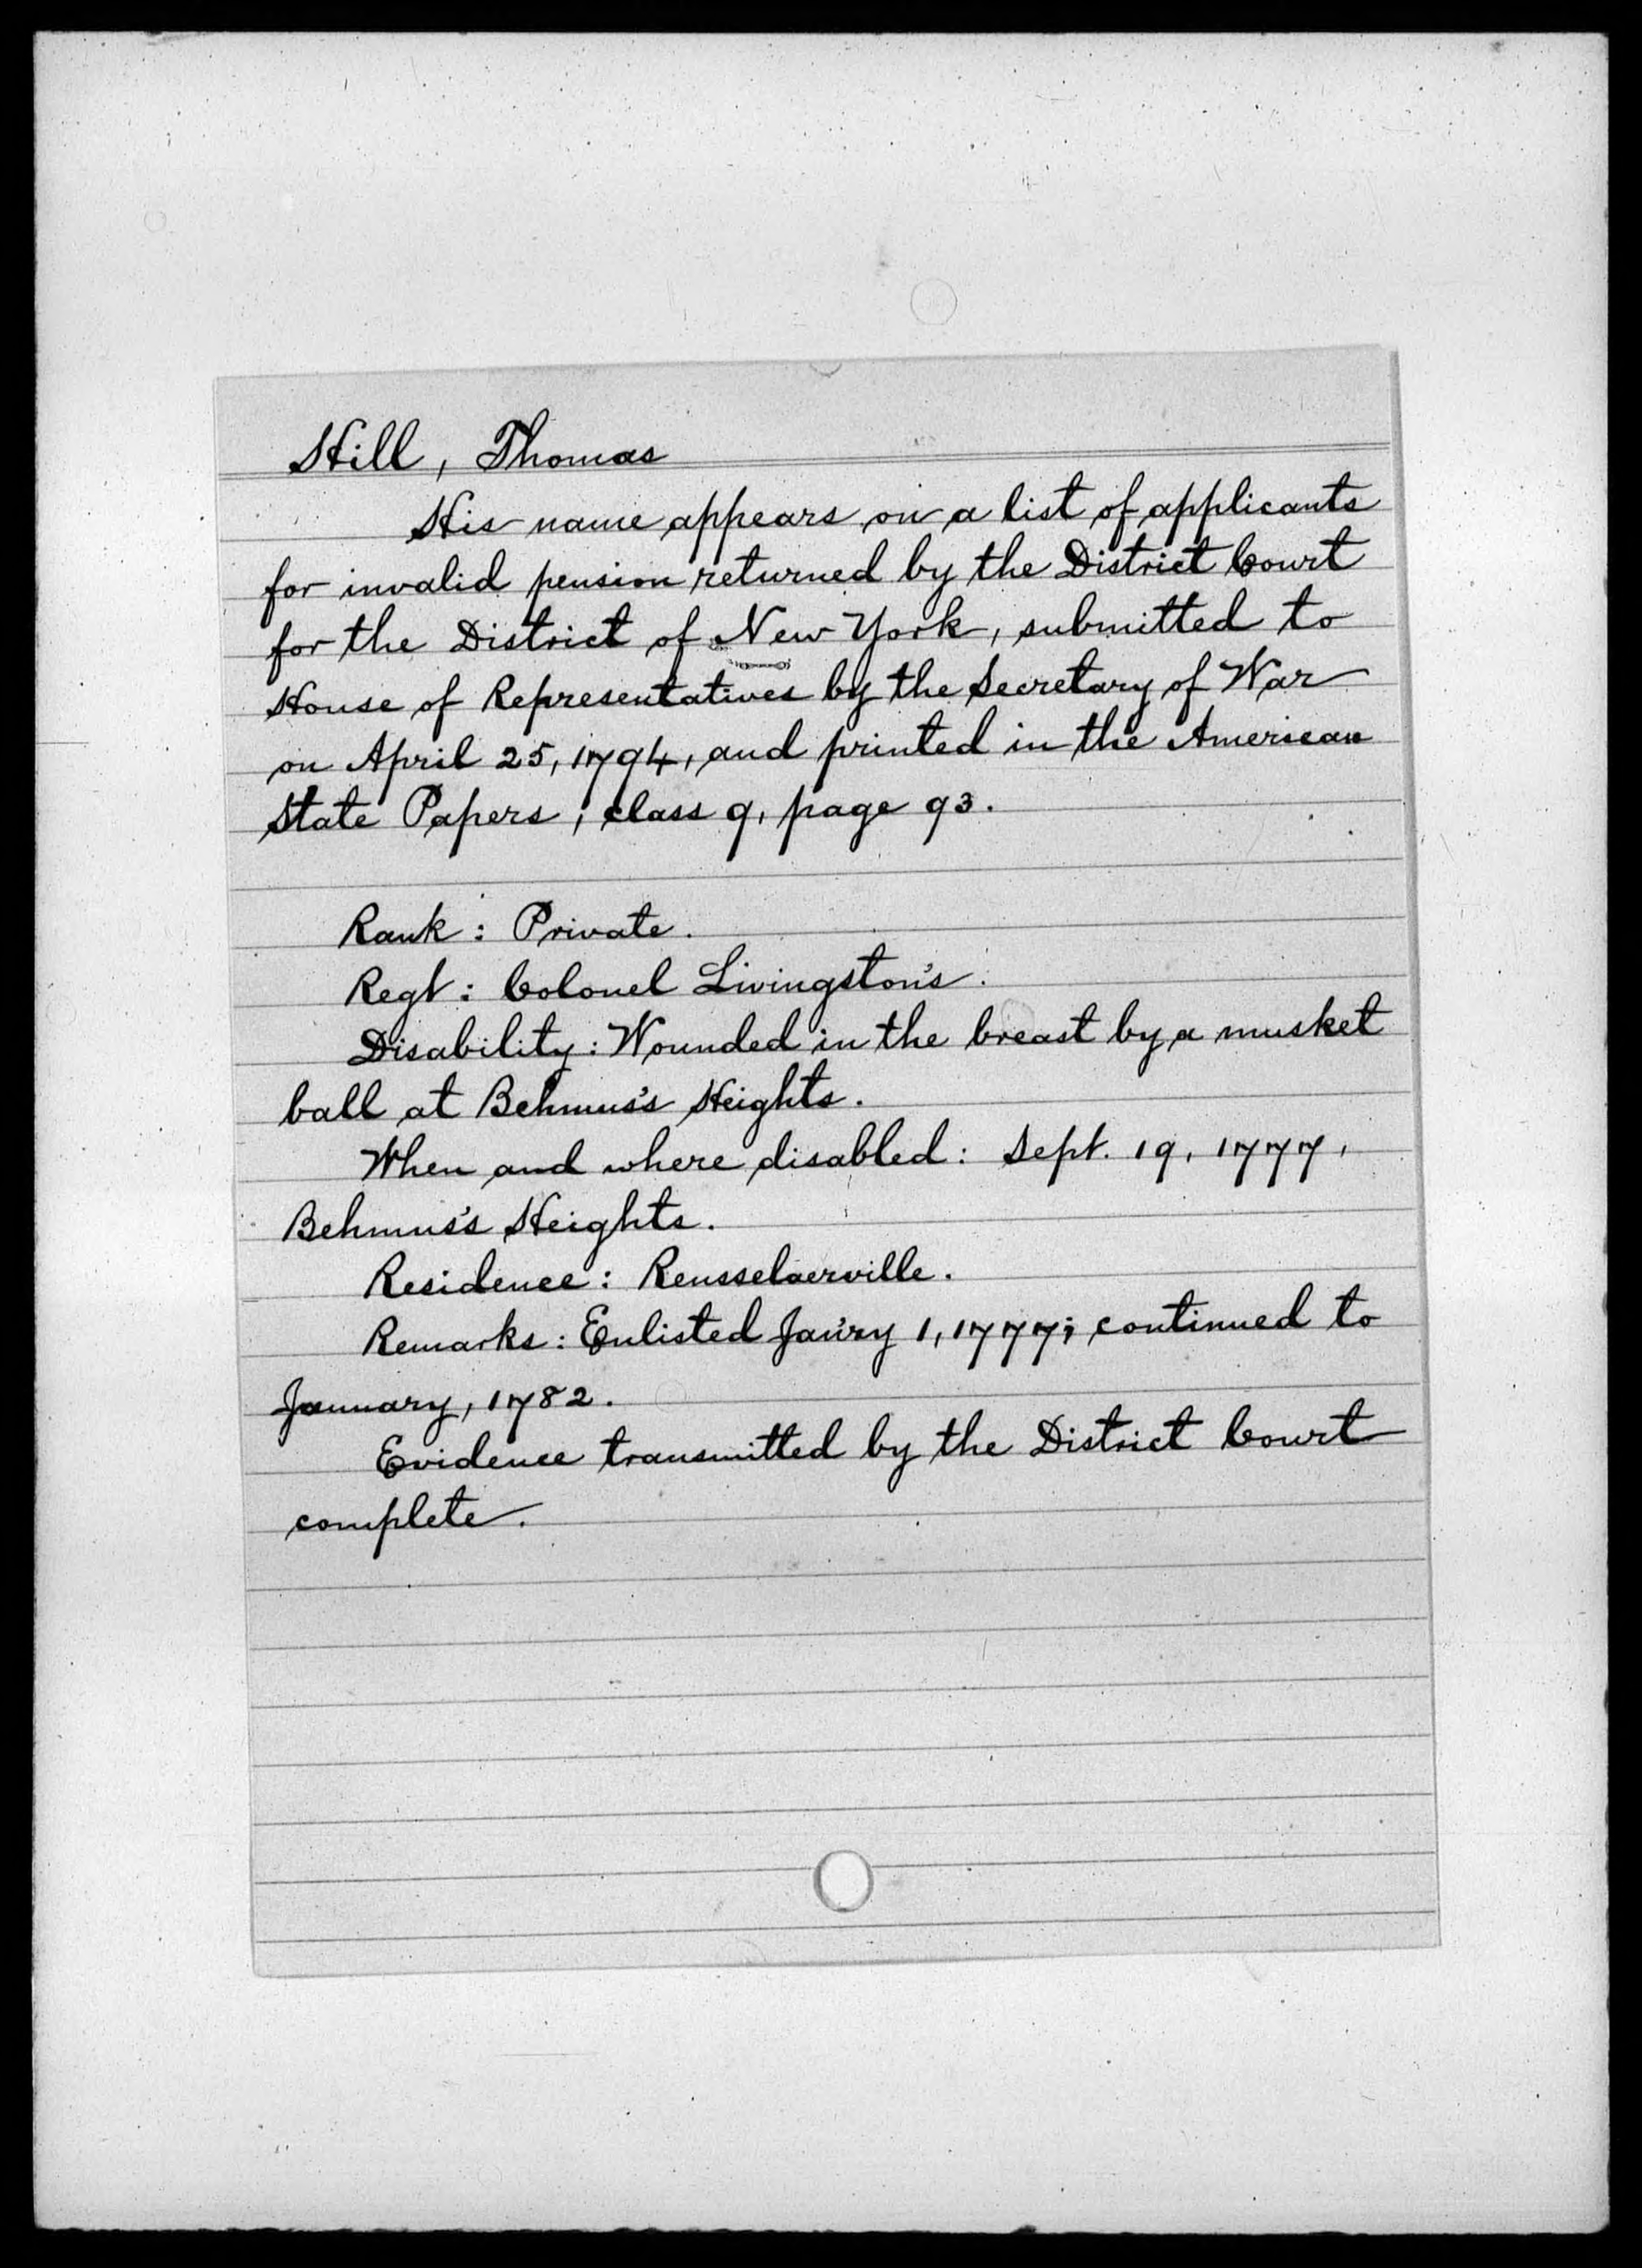Hill, Thomas
His name appears on a list of applicants for invalid pension returned by the District Court for the District of New York, submitted to House of Representatives by the Secretary of War on April 25, 1794, and printed in the American State Papers class 9, page 93.

Rank: Private.
Regt: Colonel Livingston's
Disability: Wounded in the breast by a musket ball at Behmus's Heights.
When and where disabled: Sept. 19, 1777, Behmus's Heights.
Residence: Rensselaerville.
Remarks: Enlisted Jan'ry 1, 1777; continued to January, 1782.
Evidence transmitted by the District Court complete.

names: Thomas Hill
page: 5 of 31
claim: survivor's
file: S. 43672, Thomas Hill, New York